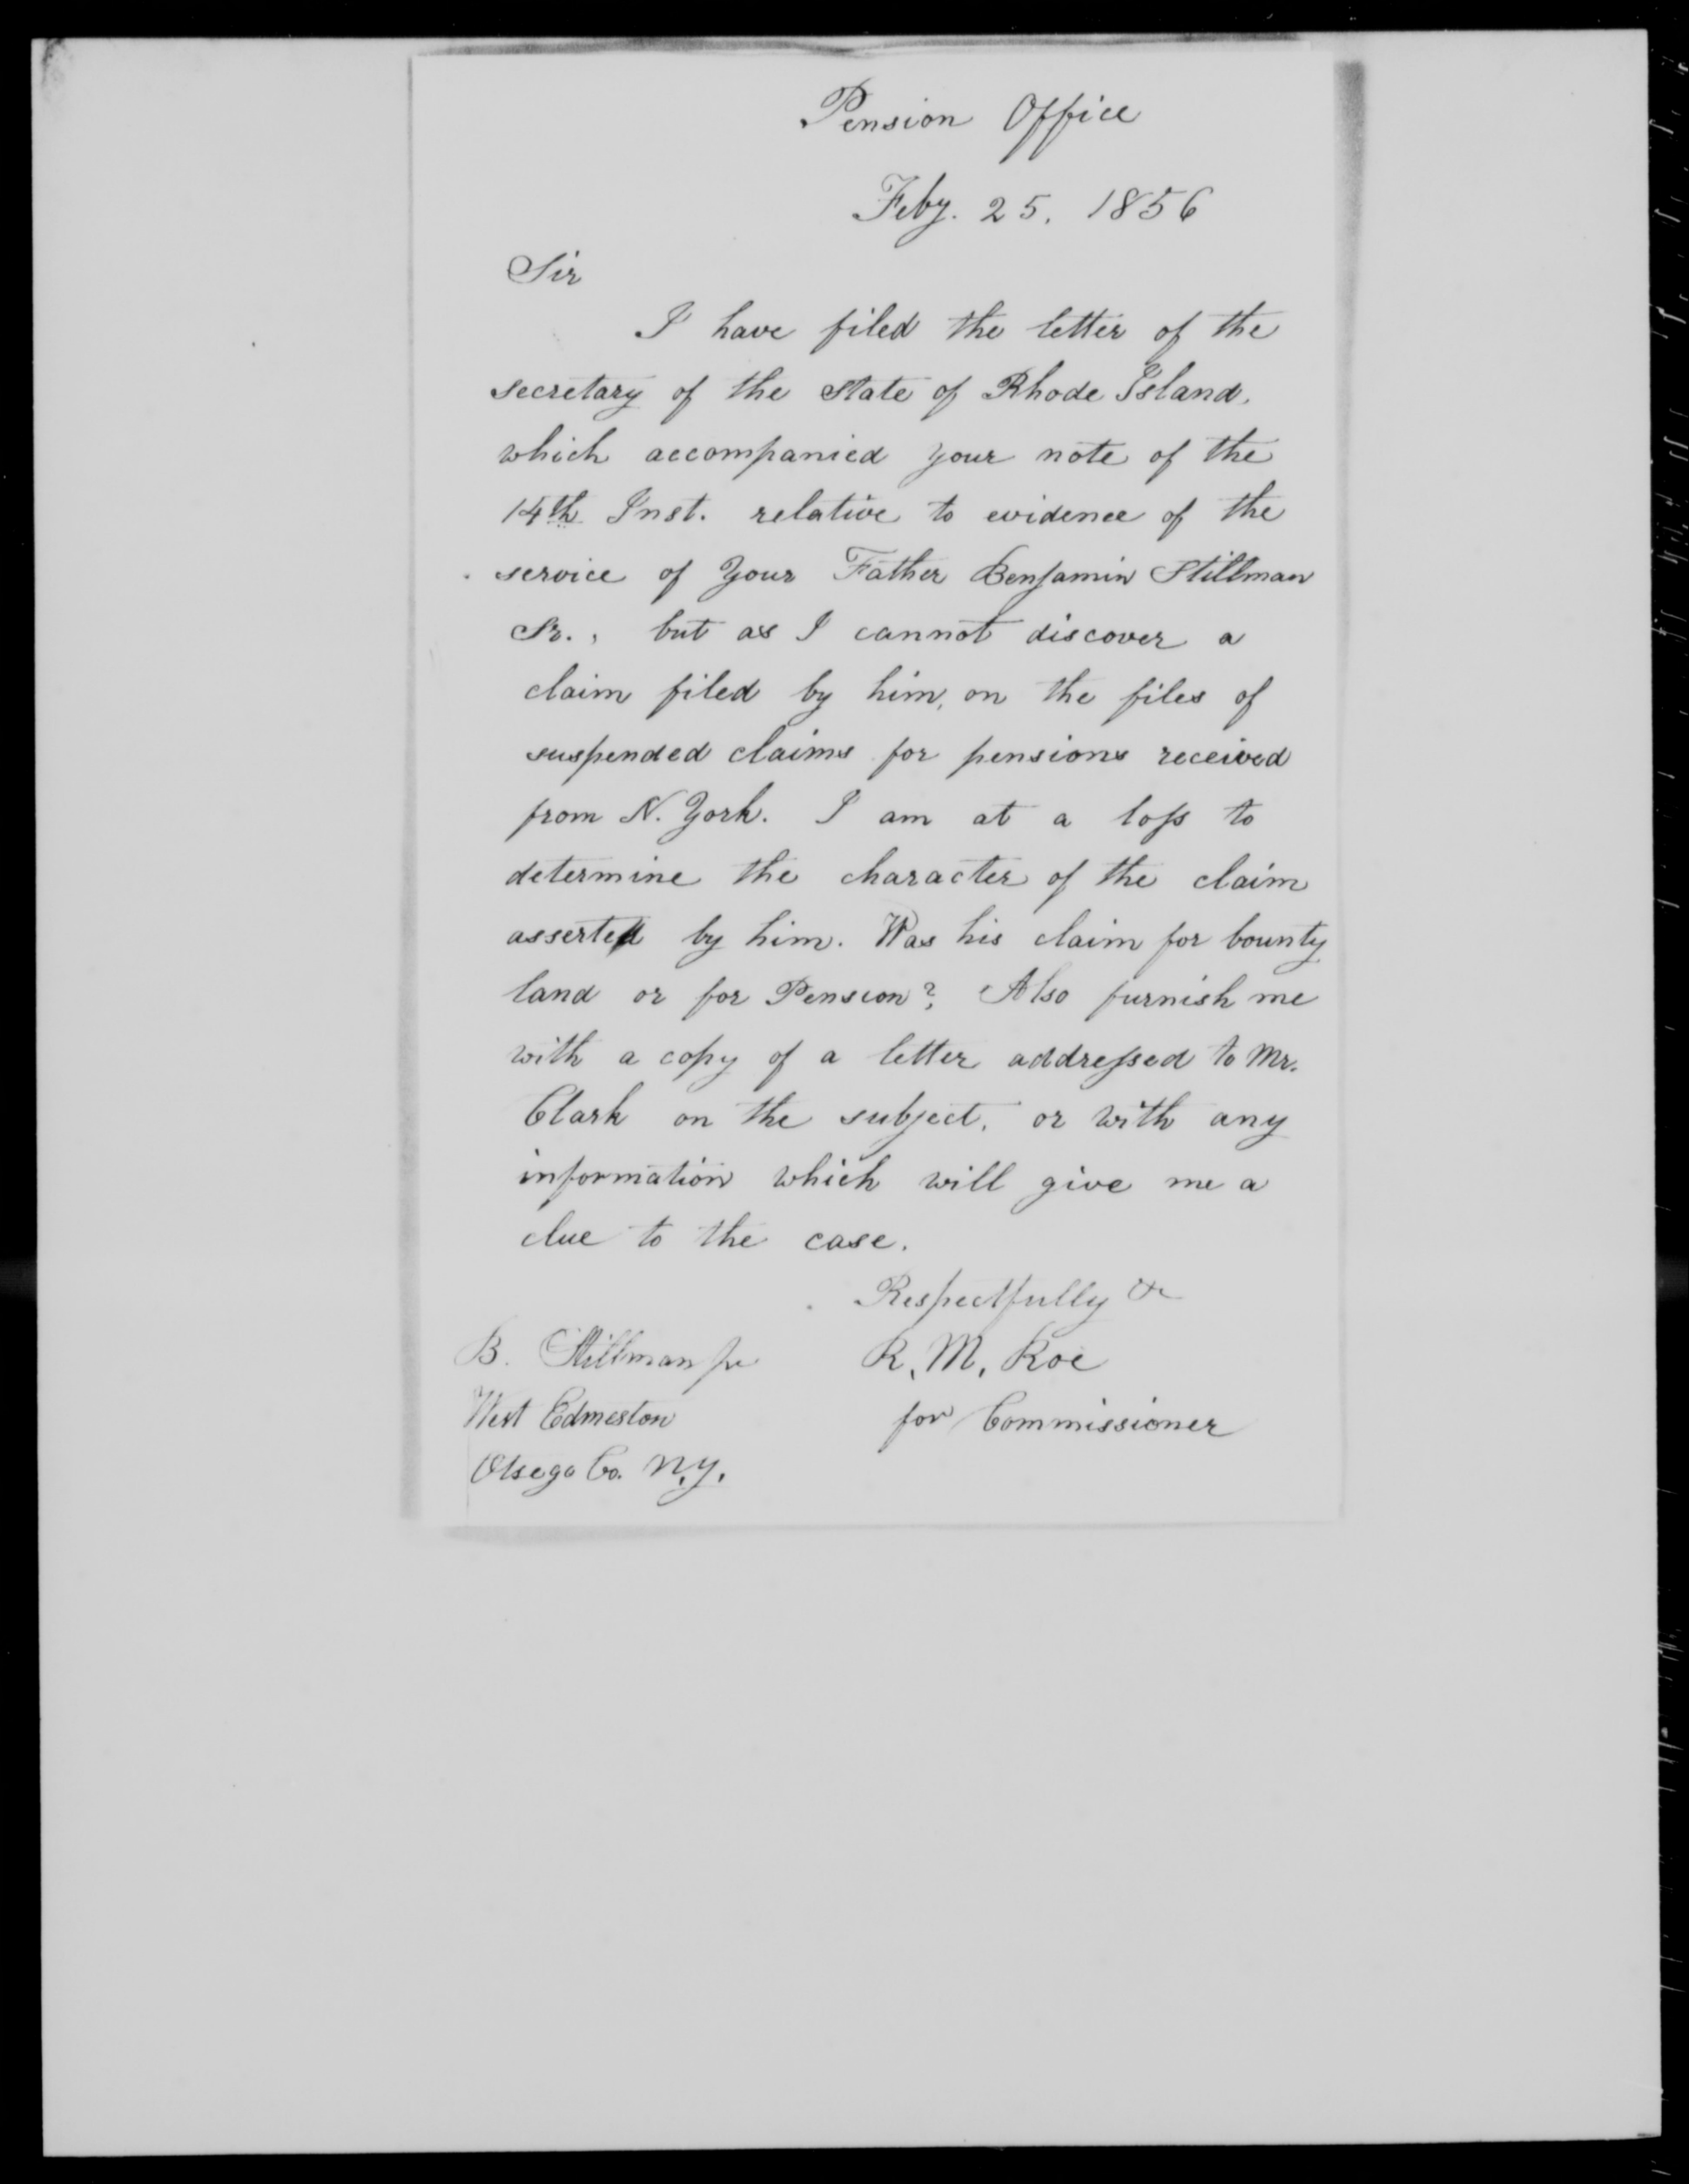Pension Office 
Feby. 25. 1856 
Sir
I have filed the letter of the Secretary of the State of Rhode Island, which accompanied your note of the 14th Inst. relative to evidence of the service of your Father Benjamin Stillman Sr., but as I cannot discover a claim filed by him, on the files of suspended claims for pension received from N. York. I am at a loss to determine the character of the claim asserted by him. Was his claim for bounty land or for Pension? Also furnish me with a copy of a letter addressed to Mr. Clark on the subject, or with any information which will give me a clue to the case. 
Respectfully &c
R. M. Roe
for Commissioner 
B. Tillman Jr 
West Edmeston 
Otsego Co. N.Y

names: [BLANK] Clark; B Stillman; R M Roe; Benjamin Stillman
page: 27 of 29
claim: bounty land warrant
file: B.L.Wt.47987-160-55, for Benjamin Stillman, Rhode Island